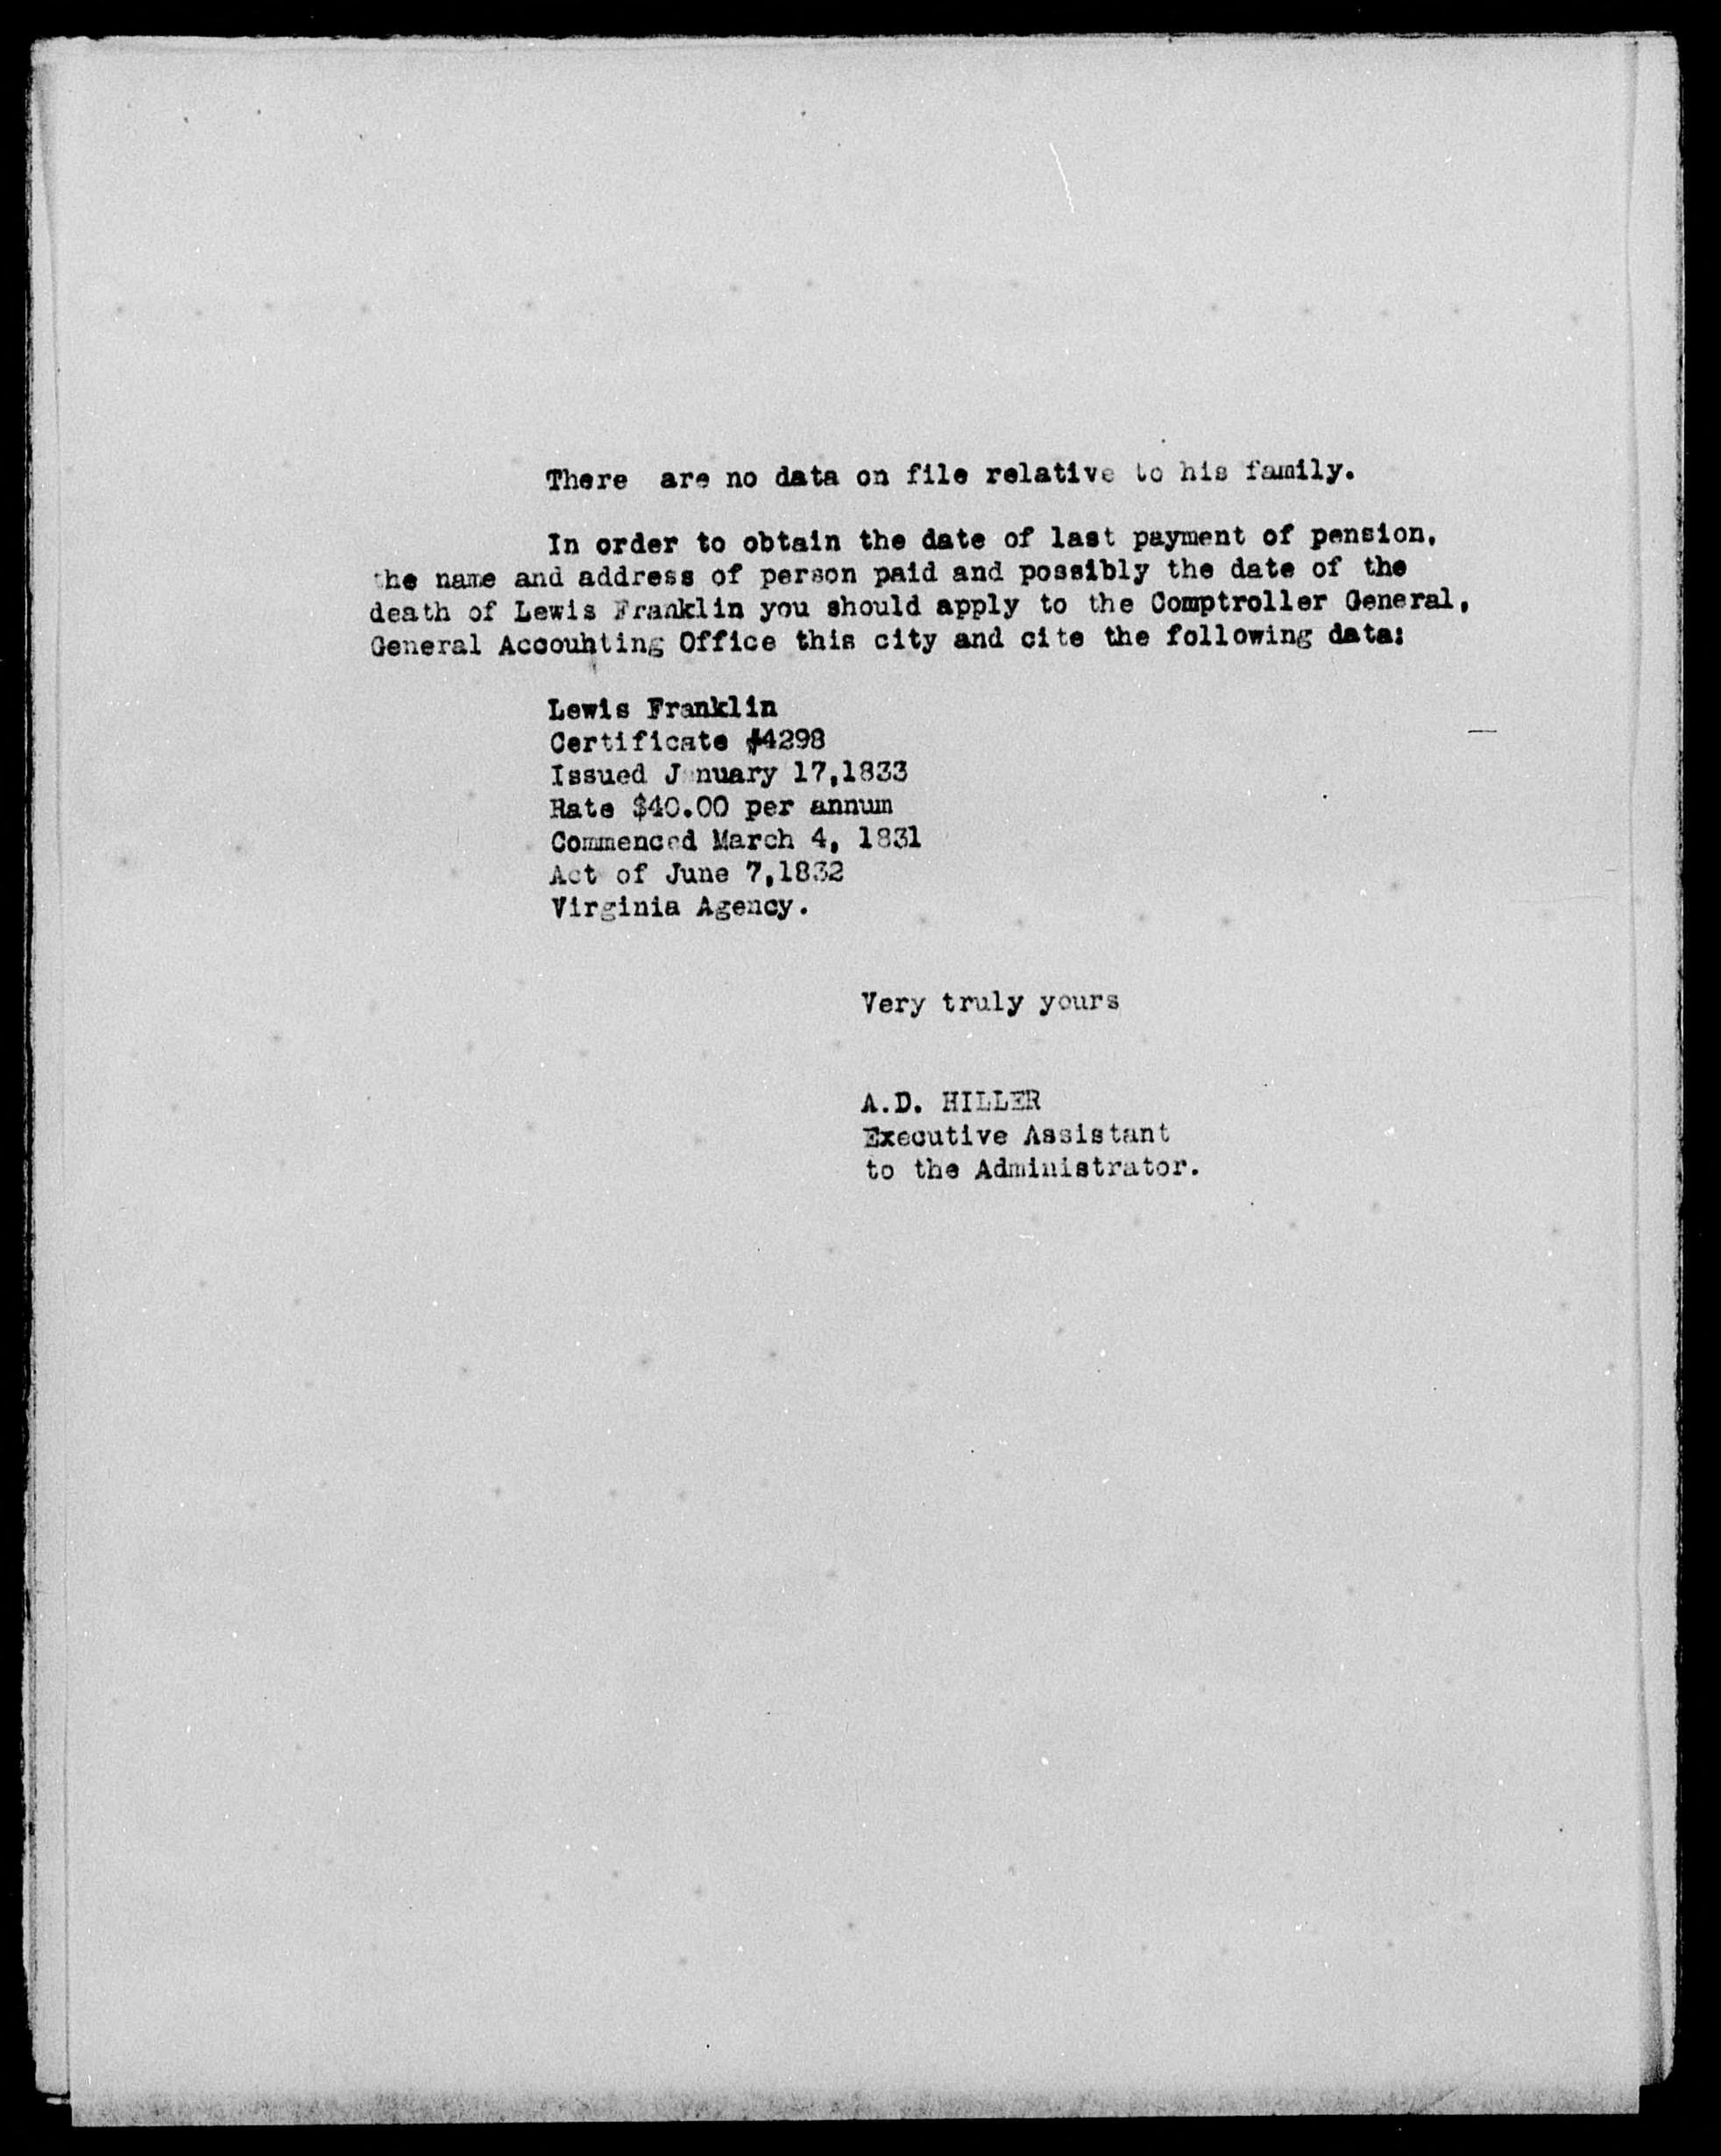There are no data on file relative to his family. 

In order to obtain the date of last payment of pension, the name and address of person paid and possibly the date of the death of Lewis Franklin you should apply to the Comptroller General, General Accounting Office this city and cite the following data: 

Lewis Franklin 
Certificate #4298
Issued January 17, 1833
Rate $40.00 per annum
Commenced March 4, 1831
Act of June 7, 1832
Virginia Agency. 

Very truly yours

A.D. HILLER
Executive Assistant to the Administrator.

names: A D Hiller, Lewis Franklin, Lewis Franklin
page: 8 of 20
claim: survivor's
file: S. 8519, Lewis Franklin, N.C. Va.